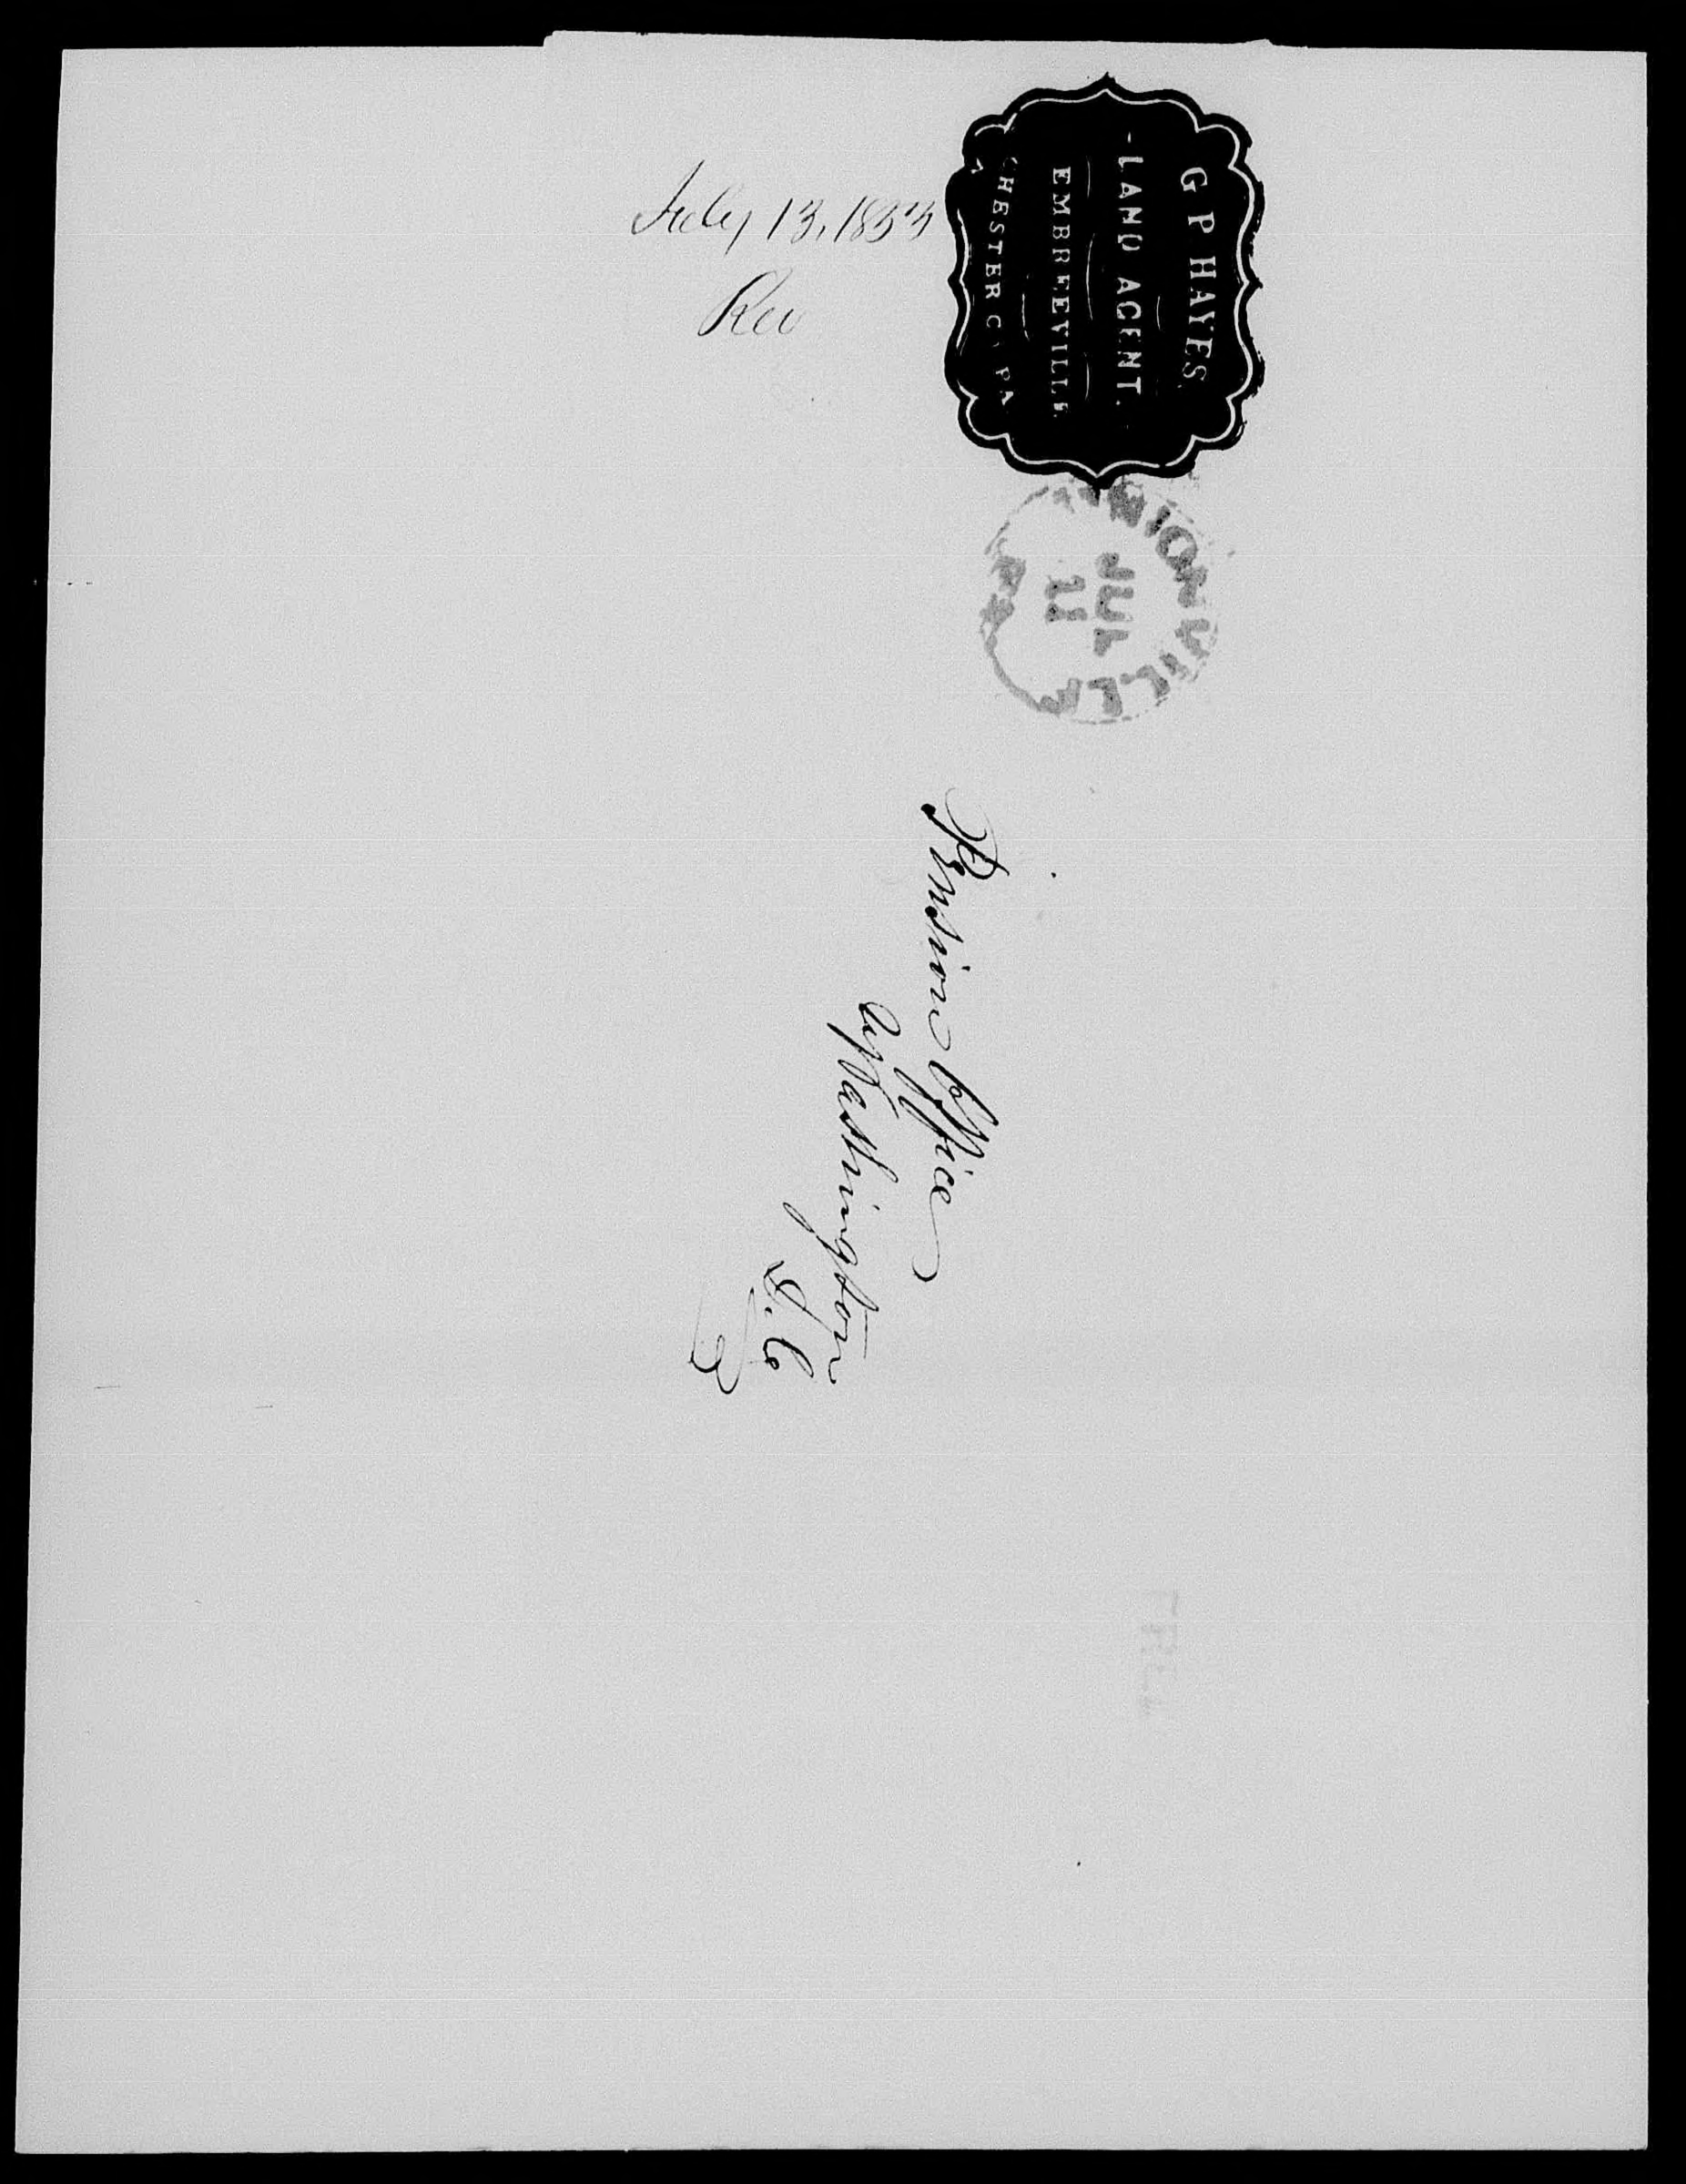July 13, 1833
Rev
Pension Office
Washington
D.C.

Unionville PA
Jul 11

G P Hayes
Land Agent
Embreeville 
(illegible)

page: 38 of 74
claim: widow's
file: W. 9422, James Edgar, Penn.